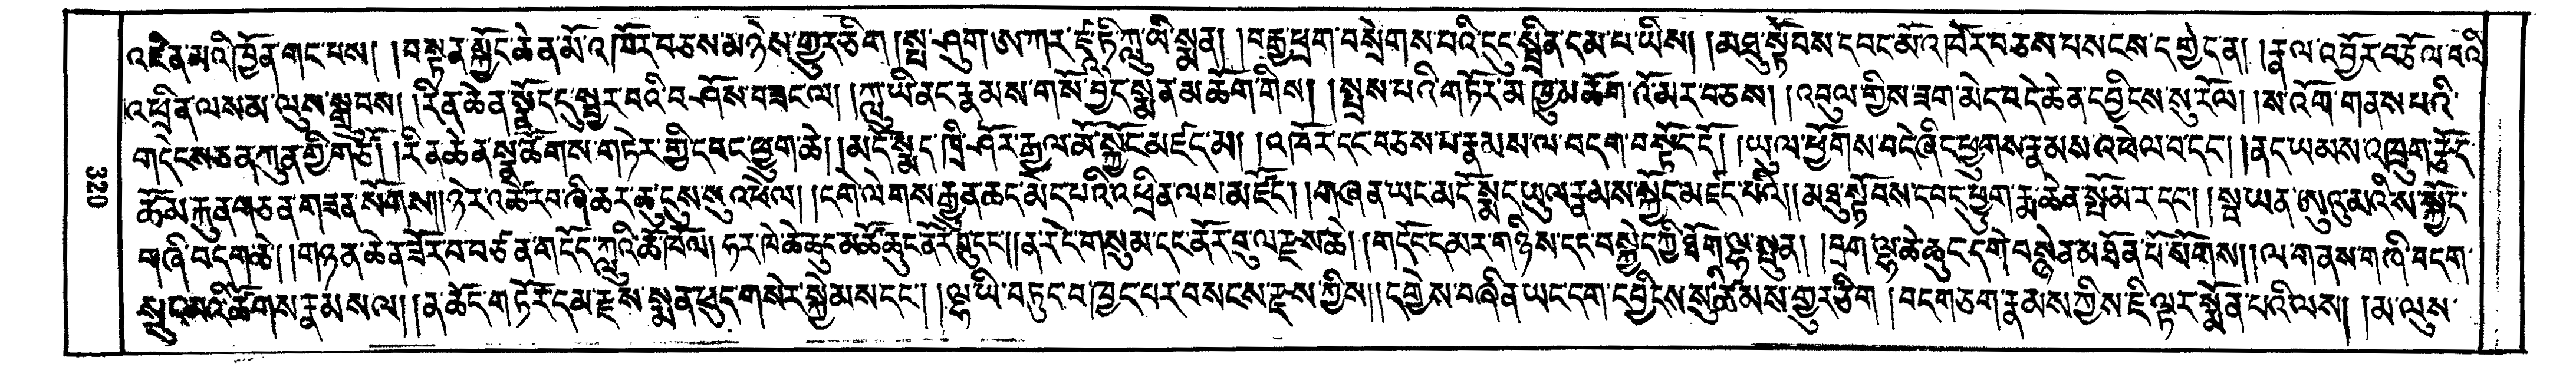འཛིན་མའི་ཁྱོན་གང་བས། །བསྟན་སྐྱོང་ཆེན་མོ་འཁོར་བཅས་མཉེས་གྱུར་ཅིག། སྤ་ཤུག་ཨ་ཀར་ཛཱ་ཏི་ཀླུ་ཡི་སྨན། །བརྒྱ་ཕྲག་བསྲེགས་པའི་དུང་སྤྲིན་དམ་པ་ཡིས། །མཐུ་སྟོབས་དབང་མོ་འཁོར་བཅས་བསངས་བགྱིད་ན། །རྣལ་འབྱོར་བཅོལ་བའི་
འཕྲིན་ལས་མ་ལུས་སྒྲུབས། །རིན་ཆེན་སྣོད་དུ་སྦྱར་བའི་བཤོས་བཟང་ལ། །ཀླུ་ཡི་ནད་རྣམས་གསོ་བྱེད་སྨན་མཆོག་གིས། །སྤྲས་པའི་གཏོར་མ་ཁྱུ་མཆོག་འོ་མར་བཅས། །འབུལ་གྱིས་ཟག་མེད་བདེ་ཆེན་དབྱིངས་སུ་རོལ། །ས་འོག་གནས་པའི་
གདེངས་ཅན་ཀུན་གྱི་གཙོ། །རིན་ཆེན་སྣ་ཚོགས་གཏེར་གྱི་དབང་ཕྱུག་ཆེ། །མདོ་སྨད་ཁྲི་ཤོར་རྒྱལ་མོ་སྐྱོང་མཛད་མ། །འཁོར་དང་བཅས་པ་རྣམས་ལ་བདག་བསྟོད་དོ། །ཡུལ་ཕྱོགས་བདེ་ཞིང་ཕྱུགས་རྣམས་འཕེལ་བ་དང་། །ནད་ཡམས་འཁྲུག་རྩོད་
ཆོམ་རྐུན་གཅན་གཟན་སོགས། །ཉེར་འཚེར་བ་ཞི་ཆར་ཆུ་དུས་སུ་འཕེལ། །དགེ་ལེགས་རྒྱུན་ཆད་མེད་པའི་འཕྲིན་ལས་མཛོད། །གཞན་ཡད་མདོ་སྨད་ཡུལ་རྣམས་སྐྱོད་མཛད་པའི། །མཐུ་སྟོབས་དབང་ཕྱུག་རྨ་ཆེན་སྤོ་མར་དང་། །སྦ་ཡན་ཨུའུ་མའི་ས་སྐྱོང་
གཞི་བདག་ཆེ། །གཉན་ཆེན་ཟོར་བ་བཙན་གདོང་ཀླུའི་ཆེ་ཁོལ། །ཧར་ཁེ་ཆེ་ཆུང་མཚོ་ཆུང་ནོར་བུ་དང་། །ན་རེང་གསུམ་དང་ནོར་བུ་ལ་རྫས་ཆེ། །གདོང་དམར་གཉིས་དང་བསྐྱེད་ཀྱི་ཐོག་ལྷ་སྤུན། །བྲལ་ལྷ་ཆེ་ཆུང་དགེ་བསྙེན་མཐོན་བོ་སོགས། །ལ་གནས་གཞི་བདག་
སྲུང་མའི་ཚོགས་རྣམས་ལ། །མཆོད་གཏོར་དམ་རྫས་སྨན་ཕུད་གསེར་སྐྱེམས་དང་། །ལྷ་ཡི་བཏུང་བ་ཁྱད་པར་བསངས་རྫས་ཀྱིས། །དགྱེས་བཞིན་ཡང་དག་དབྱིངས་སུ་ཚིམས་གྱུར་ཅིག །བདག་ཅག་རྣམས་ཀྱིས་ཇི་ལྟར་སྨོན་པའི་ལས། །མ་ལུས་